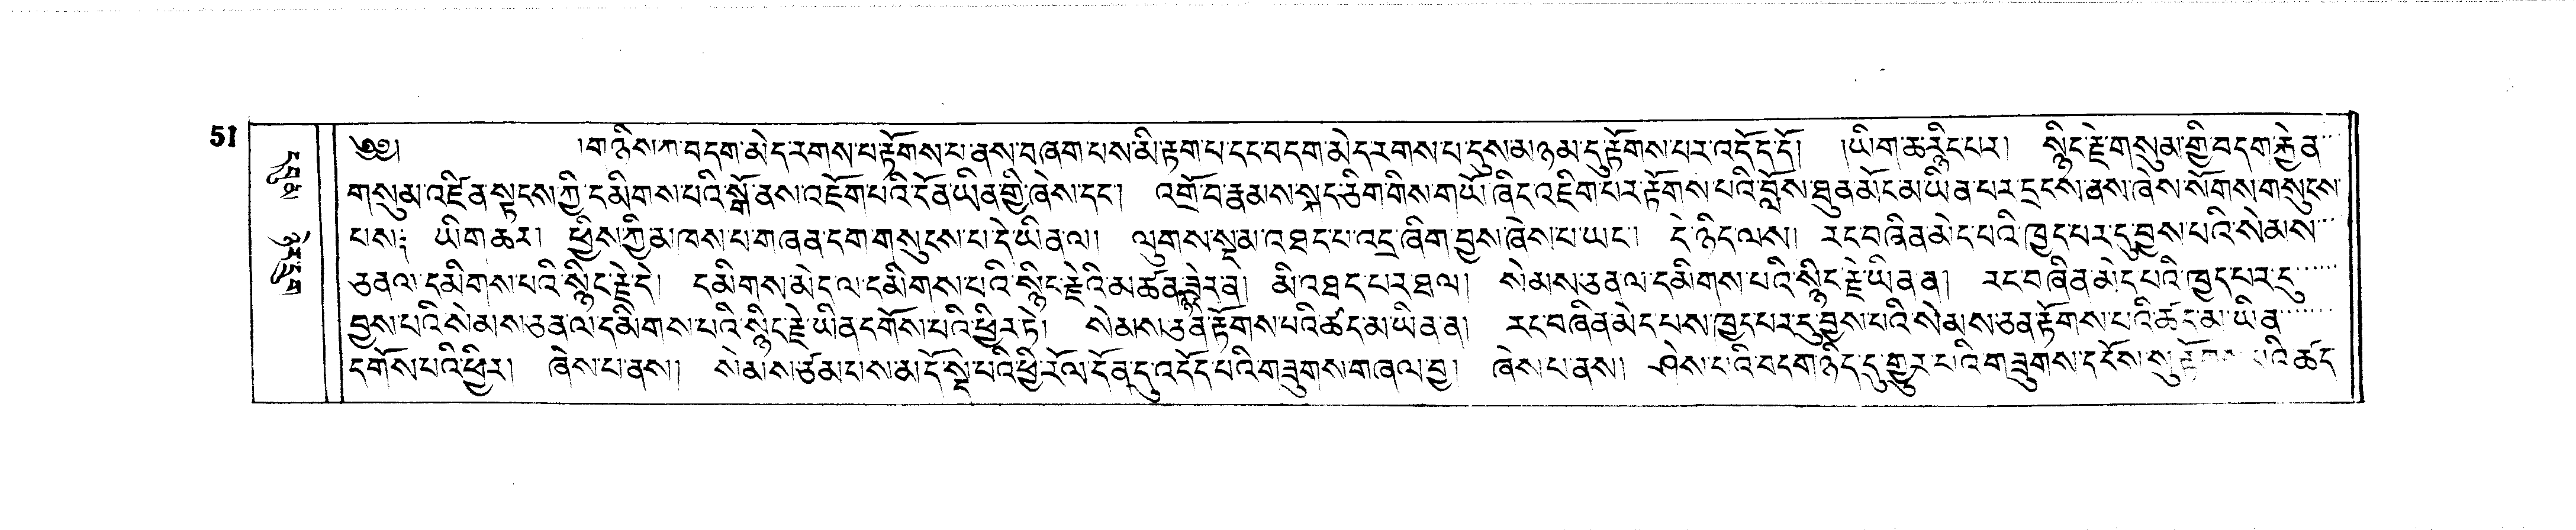༄༅། །གཉིས་ཀ་བདག་མེད་རགས་པ་རྟོགས་པ་ནས་བཞག་པས་མི་རྟག་པ་དང་བདག་མེད་རགས་པ་དུས་མཉམ་དུ་རྟོགས་པར་འདོད་དོ། །ཡིག་ཆ་རྙིང་པར། སྙིང་རྗེ་གསུམ་གྱི་བདག་རྐྱེན་
གསུམ་འཛིན་སྟངས་ཀྱི་དམིགས་པའི་སྒོ་ནས་འཇོག་པའི་དོན་ཡིན་གྱི་ཞེས་དང་། འགྲོ་བ་རྣམས་སྐད་ཅིག་གིས་གཡོ་ཞིང་འཇིག་པར་རྟོགས་པའི་བློས་ཐུན་མོང་མ་ཡིན་པར་དྲངས་ནས་ཞེས་སོགས་གསུངས་
པས༑ ཡིག་ཆར། ཕྱིས་ཀྱི་མཁས་པ་གཞན་དག་གསུངས་པ་དེ་ཡིན་ལ། ལུགས་སྔ་མ་འཐད་པ་འདྲ་ཞིག་བྱས་ཞེས་པ་ཡང་། དེ་ཉིད་ལས། རང་བཞིན་མེད་པའི་ཁྱད་པར་དུ་བྱས་པའི་སེམས་
ཅན་ལ་དམིགས་པའི་སྙིང་རྗེ་དེ། དམིགས་མེད་ལ་དམིགས་པའི་སྙིང་རྗེའི་མཚན་ཉིད་ཟེར་ན། མི་འཐང་པར་ཐལ། སེམས་ཅན་ལ་དམིགས་པའི་སྙིང་རྗེ་ཡིན་ན། རང་བཞིན་མེད་པའི་ཁྱད་པར་དུ་
བྱས་པའི་སེམས་ཅན་ལ་དམིགས་པའི་སྙིང་རྗེ་ཡིན་དགོས་པའི་ཕྱིར་ཏེ། སེམས་ཅན་རྟོགས་པའི་ཚད་མ་ཡིན་ན། རང་བཞིན་མེད་པས་ཁྱད་པར་དུ་བྱས་པའི་སེམས་ཅན་རྟོགས་པའི་ཚད་མ་ཡིན་
དགོས་པའི་ཕྱིར། ཞེས་པ་ནས། སེམས་ཙམ་པས་མདོ་སྡེ་པའི་ཕྱི་རོལ་དོན་དུ་འདོད་པའི་གཟུགས་གཞལ་བྱ། ཞེས་པ་ནས། ཤེས་པའི་བདག་ཉིད་དུ་གྱུར་པའི་གཟུགས་དངོས་སུ་རྟོགས་པའི་ཚད་